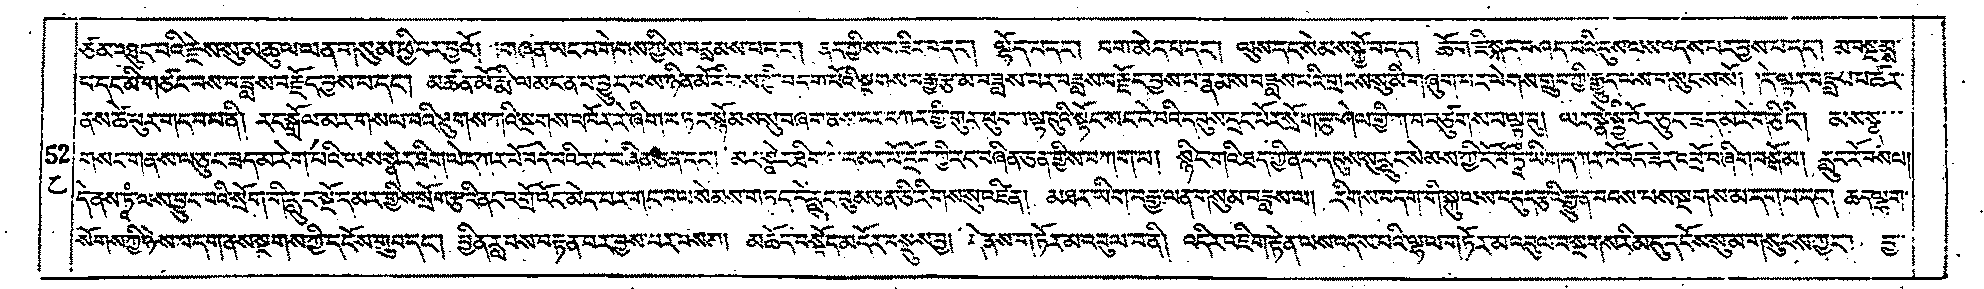ཙམ་འཐུང་བའི་རྗེས་སུ་མཆུ་ལ་ལན་གསུམ་ཕྱི་བར་བྱའོ། །གཞན་ཡང་བགེགས་ཀྱིས་བརླམས་པ་དང་། ནད་ཀྱིས་གཟིར་བ་དང་། ལྷོད་པ་དང་། བག་མེད་པ་དང་། ལུས་དང་སེམས་སྐྱོ་བ་དང་། ཆོ་ག་ཇི་སྐད་བཤད་པའི་དུས་ལས་འདས་པར་བྱས་པ་དང་། མ་བསྡམས་
པ་དང་མི་གཙང་བས་བཟླས་བརྗོད་བྱས་པ་དང་། མཚན་མོ་རྨི་ལམ་ངན་པ་བྱུང་བས་ཉིན་མོ་རིགས་ཀྱི་བདག་པོའི་སྔགས་བརྒྱ་རྩ་མ་བཟླས་པར་བཟླས་བརྗོད་བྱས་པ་རྣམས་བཟླས་པའི་གྲངས་སུ་མི་གཞུག་པར་ལེགས་གྲུབ་ཀྱི་རྒྱུད་ལས་གསུངས་སོ། །དེ་ལྟར་བཟླས་པ་ཚར་
ནས་ཚེ་ཕུར་གདབ་པ་ནི། རང་སྒྲོལ་མར་གསལ་བའི་ཐུགས་ཀའི་སྔགས་འཁོར་རེ་ཞིག་བཏང་སྙོམས་སུ་བཞག་ནས་ངར་དཀར་གྱི་གུར་ཕུབ་པ་ལྟ་བུའི་སྟོང་སང་ངེ་བའི་དབུས་དྲང་པོར་སྲོག་རྩ་ཤེལ་གྱི་ཀ་བ་བཙུགས་པ་ལྟ་བུ། ཡར་སྣེ་སྤྱི་བོར་ཅུང་ཟད་མ་རེག་ཅི་དི། མས་སྣ་་་
གསང་གནས་ལ་ཅུང་ཟད་མ་རེག་པའི་ཡས་སྣེར་ཐིག་ལེ་དཀར་པོ་བདེ་བའི་རང་བཞིན་ཅན་དང་། མར་སྣེར་ཐིག་ལེ་དམར་པོ་དྲོད་ཀྱི་རང་བཞིན་ཅན་གྱིས་བཀག་པ། སྙིང་གའི་ཐད་ཀྱི་ནང་དབུས་སུ་རླུང་སེམས་ཀྱི་ངོ་བོ་ཏཱཾ་ཡིག་དཀར་པོ་འོད་ཟེར་འཕྲོ་བ་ཞིག་བསྒོམ། རླུང་རོ་བསལ།
དེ་ནས་ཏཱཾ་ལས་བྱུང་བའི་སྲོག་གི་རླུང་སྔོ་དམར་གྱིས་སྲོག་རྩའི་ནང་འགྲོ་འོང་མེད་པར་གང་བ་ལ་སེམས་གཏད་དེ་རླུང་བུམ་ཅན་ཅི་རིགས་སུ་འཛིན། མཐར་ཡིག་བརྒྱ་ལན་གསུམ་བཟླས་ལ། རིགས་བདག་གི་སྐུ་ལས་བདུད་རྩའི་རྒྱུན་བབས་པས་སྔགས་མ་དག་པ་དང་། ཆད་ལྷག་
སོགས་ཀྱི་ཉེས་པ་དག་ནས་སྔགས་ཀྱི་དངོས་གྲུབ་དང་། བྱིན་རླབས་བརྟན་པར་བྱས་པར་བསམ། མཆོད་བསྟོད་མདོར་བསྡུས་བྱ། དེ་ནས་གཏོར་མ་འབུལ་བ་ནི། འདིར་འཇིག་རྟེན་ལས་འདས་པའི་ལྷ་ལ་གཏོར་མ་འབུལ་བ་སྔགས་རིམ་དུ་དངོས་སུ་མ་གསུངས་ཀྱང་། བྱ་་་